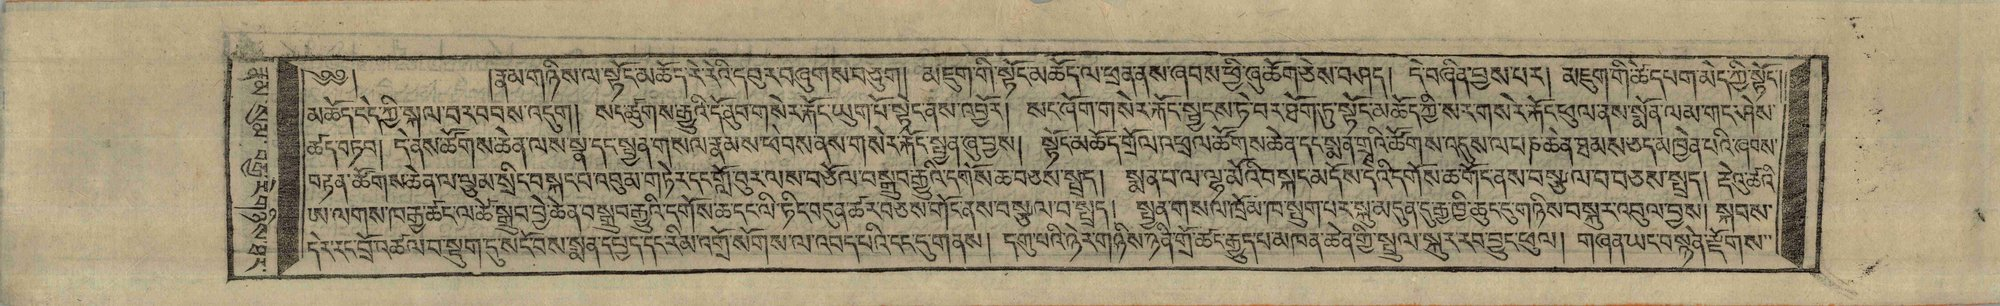༄༅། །རྣམ་གཉིས་ལ་སྟོང་མཆོད་རེ་རེའི་དབུར་བཞུགས་བཅུག །མཇུག་གི་སྟོང་མཆོད་ལ་ཕྲན་ནས་ཞབས་ཕྱི་ཞུ་ཆོག་ཅེས་བཤད། དེ་བཞིན་བྱས་པར། མཇུག་གི་ཚེ་དཔག་མེད་ཀྱི་སྟོང་།
མཆོད་ངེད་ཀྱི་སྐལ་བར་བབས་འདུག །སང་ཚུགས་རྒྱུའི་དོ་ནུབ་གསེར་རྐོང་ཡུག་པོ་སྟེང་ནས་འབྱོར། སང་ཞོག་གསེར་རྐོང་སྦྱངས་ཏེ་བར་ཐོག་ཏུ་སྟོང་མཆོད་ཀྱི་སར་གསེར་རྐོང་ཕུལ་ནས་སྨོན་ལམ་གང་ཤེས་
ཚད་བཏབ། དེ་ནས་ཚོགས་ཆེན་ལས་སྣ་དང་སྤྱན་གསལ་རྣམས་ཕེབས་ནས་གསེར་རྒོང་སྤྱན་ཞུ་བྱས། སྟོང་མཆོད་གྲོལ་འཕྲལ་ཚོགས་ཆེན་དང་སྨན་གྲྭའི་ཚོགས་འདུས་ལ་པཎ་ཆེན་ཐམས་ཅད་མཁྱེན་པའི་ཞབས་
བརྟན་ཚོགས་ཆེན་ལ་ལྕམ་སྲིང་བསྐང་བ་འབུམ་གཏེར་དང་གློ་བུར་ལས་བཅོལ་བསྒྲུབ་རྒྱུའི་དགོས་ཆ་བཅས་སྤྲད། སྨན་པ་ལ་ལྷ་མོའི་བསྐང་མདོས་དེའི་དགོས་ཆ་གོང་ནས་བསྩལ་བ་བཅས་སྤྲད། རྡེའུ་ཚའི་
ཨ་ལགས་ཁ་རྒྱ་ཚང་ལ་ཚེ་སྒྲུབ་བྱེ་ཆེན་བསྒྲུབ་རྒྱུའི་དགོས་ཆ་དང་ལི་ཏིང་བདུན་ཚར་བཅས་གོང་ནས་བསྩལ་བ་སྤྲད། སྤྱན་གསལ་ཁྲོམ་ཁ་སྤུག་པར་སྐུ་མདུན་དུ་རྒྱ་ཁྱི་ཆུང་ངུ་གཉིས་བསྐུར་འབུལ་བྱས། སྐབས་
དེར་རང་བྲོ་འཚལ་བ་སྡུག་དུ་སོང་བས་སྨན་དཔྱད་དང་རིམ་འགྲོ་སོགས་ལ་འབད་པའི་ངང་དུ་གནས། དགུ་པའི་ཉེར་གཉིས་ཉིན་གྲོ་ཚང་རྒྱུད་པ་མཁན་ཆེན་གྱི་སྤྲུལ་སྐུར་རབ་བྱུང་ཕུལ། གཞན་ཡང་བསྙེན་རྫོགས་